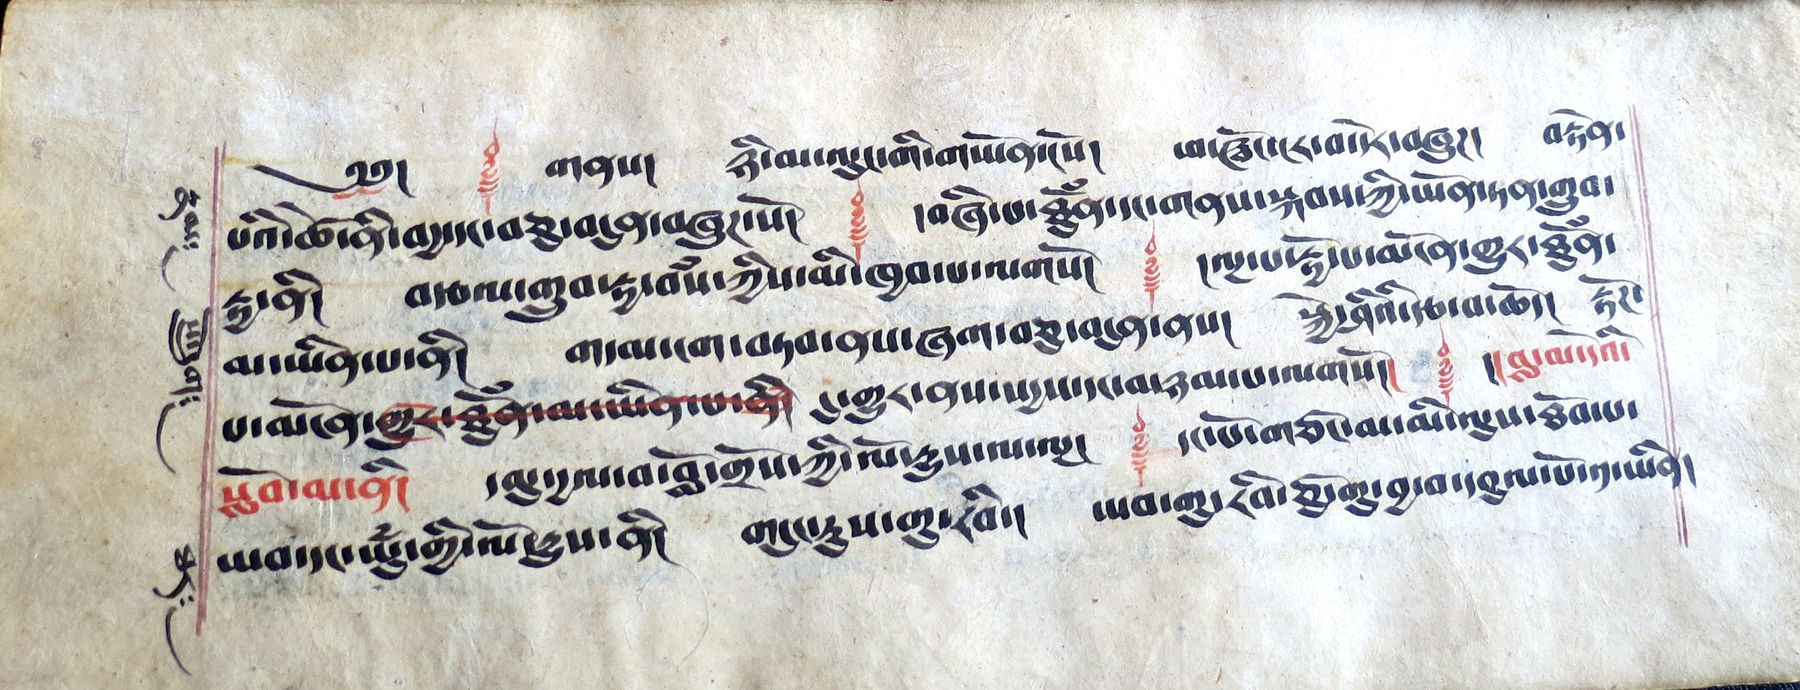གནས། ཉི་མ་ལུང་གི་གཡོན་ངོས། ཕ་བོང་ངར་བ་དེར་བཞུགས། བརྟེན་
པའི་ཚེ་ནི་བརྒྱ་དང་བཅུ་བདུན་བཞུགས་སོ། ། བཞི་པ་ཐུན་མོང་དང་གནས་སྐབས་ཀྱི་ཡོན་ཏན་གྲུབ་
རྟགས་ནི། རྩལ་གྲུབ་རྟགས་བསམ་གྱིས་མི་ཁྱབ་པ་ལགས་སོ། ། ལྔ་པ་རྟོགས་པ་མངོན་གྱུར་ཐུན་མོང་
མ་ཡིན་པ་ནི། གདམས་ངག་བཏབ་ནས་ཞག་བཅུ་བདུན་ནས། སྐྱེ་ཤིའི་རྩ་བ་ཆོད། རྟོགས་
པ་མངོན་དུ་གྱུར་ནས་སངས་རྒྱས་དང་མཉམ་པ་ལགས་སོ། ། བླ་མ་དེའི་
སློབ་མ་ནི། དམུ་རྒྱལ་བ་བློ་གྲོས་ཀྱི་ལོ་རྒྱུས་ལ་ལྔ། དང་པོ་གཙང་མ་མི་ལུས་ཐོབ་པ་
ཡབ་དང་ཡུམ་གྱི་ལོ་རྒྱུས་ནི། གདུང་རུས་གུ་རུབ། ཡབ་གུ་རུབ་ཙུ་གུ་བྱ་བ་དབུལ་པོ་ཞིག་ཡིན།